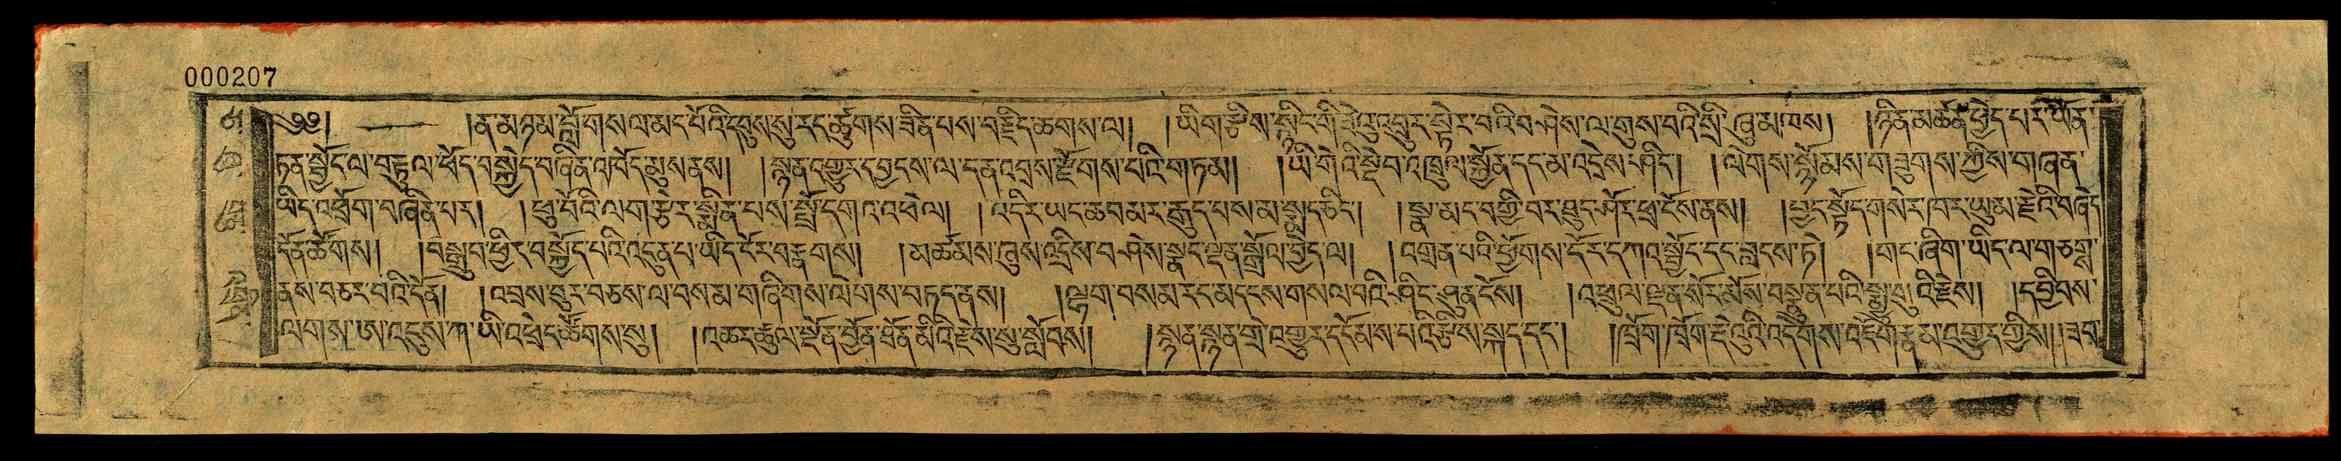༄༅། །ན་མཉམ་བློ་གསལ་མང་པོའི་དུས་སུ་རང་ཚུགས་ཟིན་པས་བརྗིད་ཆགས་ལ། །ཡིག་རྩིས་སྙིང་གི་ཟེའུ་འགྲུར་སྟེར་བའི་བཤེས་ལ་གུས་པའི་སྲི་ཞུ་མཁས། །ཉིན་མཚན་ཕྱེད་པར་ཡོན་
ཏན་སྦྱོང་ལ་བརྟུལ་ཕོད་བསྐྱེད་བཞིན་འཁོད་མུས་ནས། །སྙན་འགྱུར་དབྱངས་ལ་ངན་འབྲས་རྫོགས་པའི་གཏམ། །ཡི་གེའི་སྡེབ་འཁྲུལ་སྐྱོན་དང་མ་འདྲེས་ཤིང་། །ལེགས་སྙོམས་གཟུགས་ཀྱིས་གཞན་
ཡིད་འཕྲོག་བཞིན་པར། །ཕུ་བོའི་ལག་རྩེར་སྨིན་པས་སྤྲོ་དགའ་འཕེལ། །འདིར་ཡང་ཆང་མར་རྒུད་པས་མ་སྨད་ཅིང་། །སྣ་མར་བགྱི་བར་ཐུང་སོང་ཕྲ་ངོས་ནས། །བྱང་སྟོང་གསེར་ཁང་ཡུམ་རྗེའི་བཞེད་
དོན་ཚོགས། །བསྒྲུབ་ཕྱིར་བསྐྱོད་པའི་འདུན་པ་ཡིད་ངོར་བརྣགས། །མཚམས་ཞུས་འདྲིས་བཤེས་སྣང་ལྡན་སྒྲོལ་བྱེད་ལ། །འགྲན་པའི་ཕྱོགས་དར་དཀའི་སྦྱོང་དང་བླངས་ཏེ། །གང་ཞིག་ཡིད་ལ་གཅགས་
ནས་བཅར་བའི་དོན། །འབྲས་བུར་བཅས་ལ་བསམ་གཞགས་ལེགས་བཏང་ནས། །ལྷག་བསམ་རང་མདངས་གསལ་བའི་ཤིང་ཤུན་ངོས། །འཕྲུལ་ལྡན་སོར་མོས་བསྣན་པའི་སྨྲ་གུའི་རྗེས། །དབྱིབས་
ལེགས་ཨ་འདུས་ཀ་ཡི་འཕྲེང་ཚོགས་པུ། །འཆར་ཚུལ་སྔོན་བྱོན་ཐོན་མིའི་རྗེས་སུ་སློབས། །སྙན་སྙན་གྲེ་འགྱུར་དངོམས་པའི་རྩིས་སྐད་དང་། །ཁྲོག་ཁྲོག་རྡེའུའི་འདོགས་འཇོག་རྣམ་འགྱུར་གྱིས། །ཟབ་